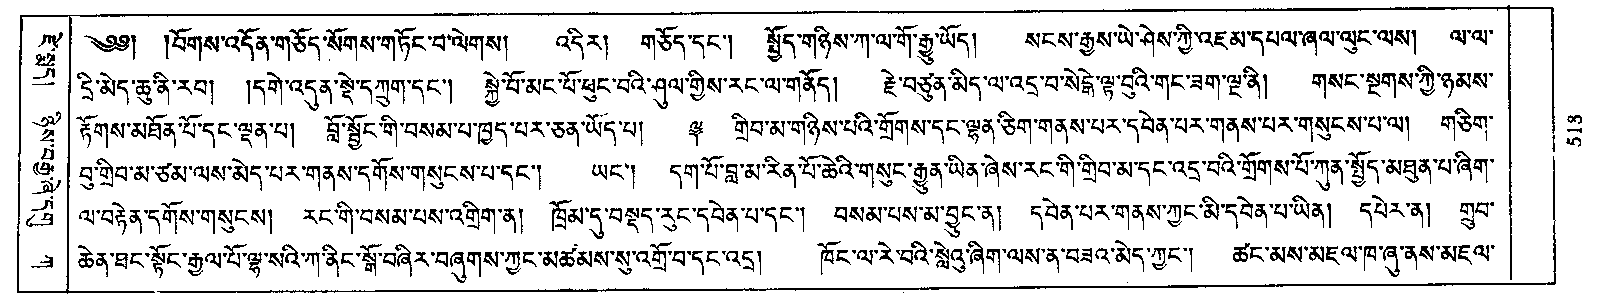༄༅། །བོགས་འདོན་གཅོད་སོགས་གཏོང་བ་ལེགས། འདིར། གཅོད་དང་། སྤྱོད་གཉིས་ཀ་ལ་གོ་རྒྱུ་ཡོད། སངས་རྒྱས་ཡེ་ཤེས་ཀྱི་འཇམ་དཔལ་ཞལ་ལུང་ལས། ལ་ལ་
དྲི་མེད་ཆུ་ནི་རབ། །དགེ་འདུན་སྡེ་དཀྲུག་དང་། སྐྱེ་བོ་མང་པོ་ཕུང་བའི་ཤུལ་གྱིས་རང་ལ་གནོད། རྗེ་བཙུན་མིད་ལ་འདྲ་བ་སེངྒེ་ལྟ་བུའི་གང་ཟག་ལྔ་ནི། གསང་སྔགས་ཀྱི་ཉམས་
རྟོགས་མཐོན་པོ་དང་ལྡན་པ། བློ་སྦྱོང་གི་བསམ་པ་ཁྱད་པར་ཅན་ཡོད་པ། ༈ གྲིབ་མ་གཉིས་པའི་གྲོགས་དང་ལྷན་ཅིག་གནས་པར་དབེན་པར་གནས་པར་གསུངས་པ་ལ། གཅིག་
བུ་གྲིབ་མ་ཙམ་ལས་མེད་པར་གནས་དགོས་གསུངས་པ་དང་། ཡང་། དག་པོ་བླ་མ་རིན་པོ་ཆེའི་གསུང་རྒྱུན་ཡིན་ཞེས་རང་གི་གྲིབ་མ་དང་འདྲ་བའི་གྲོགས་པོ་ཀུན་སྤྱོད་མཐུན་པ་ཞིག་
ལ་བརྟེན་དགོས་གསུངས། རང་གི་བསམ་པས་འགྲིག་ན། ཁྲོམ་དུ་བསྡད་རུང་དབེན་པ་དང་། བསམ་པས་མ་བྱུང་ན། དབེན་པར་གནས་ཀྱང་མི་དབེན་པ་ཡིན། དཔེར་ན། གྲུབ་
ཆེན་ཐང་སྟོང་རྒྱལ་པོ་ལྷ་སའི་ཀ་ནིང་སྒོ་བཞིར་བཞུགས་ཀྱང་མཚམས་སུ་འགྲོ་བ་དང་འདྲ། ཁོང་ལ་རེ་བའི་སླེའུ་ཞིག་ལས་ན་བཟའ་མེད་ཀྱང་། ཚང་མས་མཇལ་ཁ་ཞུ་ནས་མཇལ་